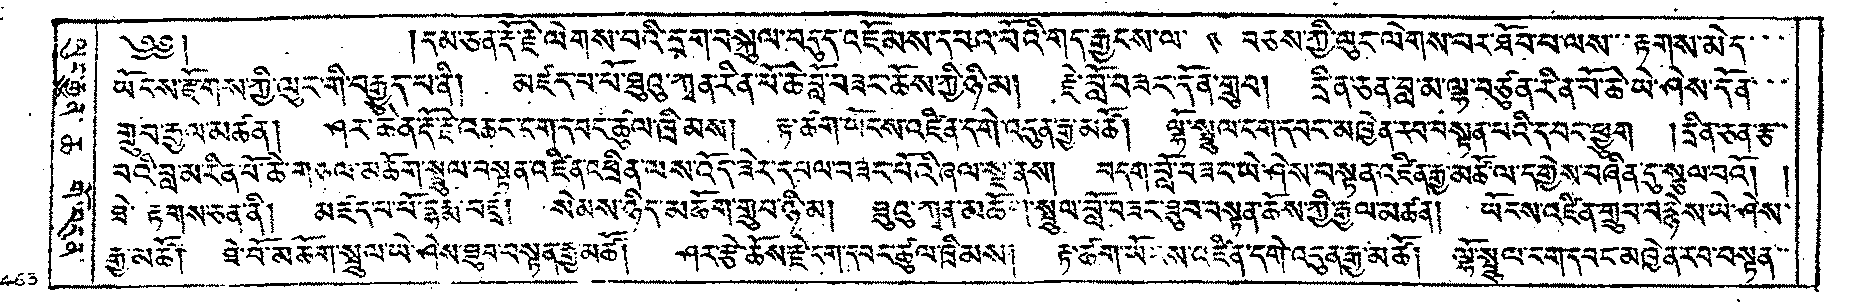༄༅། །དམ་ཅན་རྡོ་རྗེ་ལེགས་པའི་དྲག་བསྐུལ་བདུད་འཇོམས་དཔའ་བོའི་གད་རྒྱངས་ལ ༤་བཅས་ཀྱི་ལུང་ལེགས་པར་ཐོབ་པ་ལས་རྟགས་མེད་
ཡོངས་རྫོགས་ཀྱི་ལུང་གི་བརྒྱུད་པ་ནི། མཛད་པ་པོ་ཐུའུ་ཀྭན་རིན་པོ་ཆེ་བློ་བཟང་ཆོས་ཀྱི་ཉི་མ། རྗེ་བློ་བཟང་དོན་གྲུབ། དྲིན་ཅན་བླ་མ་ལྷ་བཙུན་རིན་པོ་ཆེ་ཡེ་ཤེས་དོན་
གྲུབ་རྒྱལ་མཚན། ཤར་ཆེན་རྡོ་རྗེ་འཆང་ངག་དབང་ཚུལ་ཁྲིམས། རྟ་ཚག་ཡོངས་འཛིན་དགེ་འདུན་རྒྱ་མཚོ། ལྷོ་སྤྲུལ་ངག་དབང་མཁྱེན་རབ་བསྟན་པའི་དབང་ཕྱུག །དྲིན་ཅན་རྩ་
བའི་བླ་མ་རིན་པོ་ཆེ་གཉལ་མཆོག་སྤྲུལ་བསྟན་འཛིན་འཕྲིན་ལས་འོད་ཟེར་དཔལ་བཟང་པོའི་ཞལ་སྔ་ནས། བདག་བློ་བཟང་ཡེ་ཤེས་བསྟན་འཛིན་རྒྱ་མཚོ་ལ་དགྱེས་བཞིན་དུ་སྩལ་བའོ། །
ཐེ་རྟགས་ཅན་ནི། མཛད་པ་པོ་དྷརྨ་བཛྲ། སེམས་ཉིད་མཆོག་གྲུབ་ཉི་མ། ཐུའུ་ཀྭན་མཆོག་སྤྲུལ་བློ་བཟང་ཐུབ་བསྟན་ཆོས་ཀྱི་རྒྱལ་མཚན། ཡོངས་འཛིན་གྲུབ་བརྙེས་ཡེ་ཤེས་
རྒྱ་མཚོ། ཐེ་བོ་མཆོག་སྤྲུལ་ཡེ་ཤེས་ཐུབ་བསྟན་རྒྱ་མཚོ། ཤར་རྩེ་ཆོས་རྗེ་ངག་དབང་ཚུལ་ཁྲིམས། རྟ་ཚག་ཡོངས་འཛིན་དགེ་འདུན་རྒྱ་མཚོ། ལྷོ་སྤྲུལ་ངག་དབང་མཁྱེན་རབ་བསྟན་